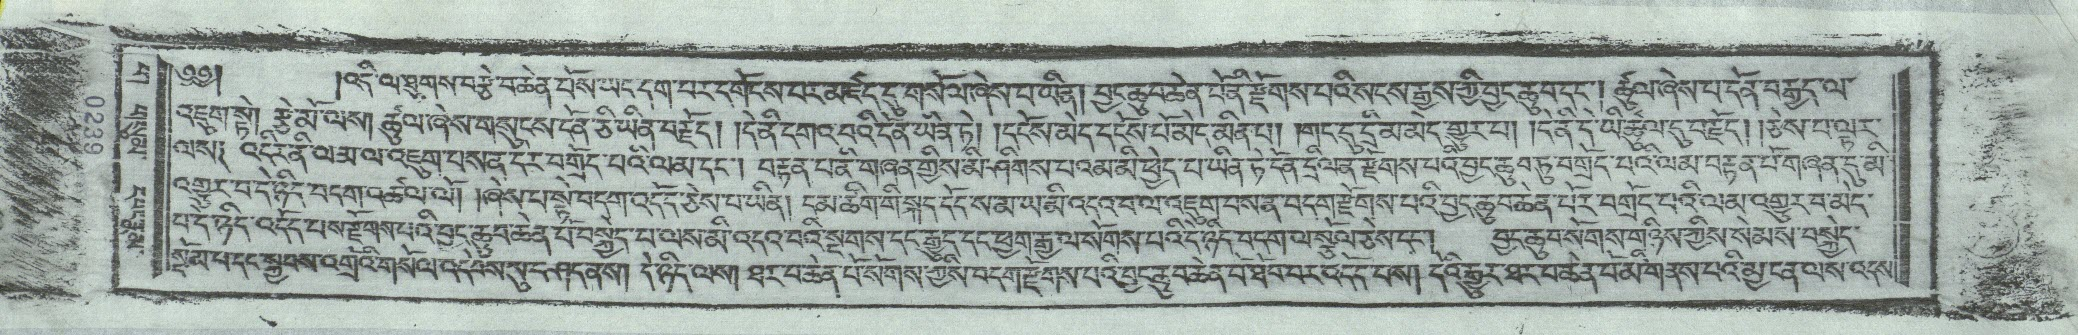༄༅། །འདི་ལ་ཐུགས་བརྩེ་བ་ཆེན་པོས་ཡང་དག་པར་དགོངས་པར་མཛད་དུ་གསོལ་ཞེས་པ་ཡིན། བྱང་ཆུབ་ཆེན་པོ་ནི་རྫོགས་པའི་སངས་རྒྱས་ཀྱི་བྱང་ཆུབ་དང་། ཚུལ་ཞེས་པ་དོན་བརྒྱད་ལ་
འཇུག་སྟེ། རྩེ་མོ་ལས། ཚུལ་ཞེས་གསུངས་དོན་ཅི་ཡིན་བརྗོད། །དེ་ནི་དགའ་བའི་དོན་ཡིན་ཏེ། །དངོས་མེད་དངོས་པོ་མེད་མིན་པ། །གང་དུ་དྲི་མ་མེད་གྱུར་པ། །དེ་ནི་དེ་ཡི་ཚུལ་དུ་བརྗོད། །ཅེས་པ་ལྟར་
ལས༑ འདིར་ནི་ལམ་ལ་འཇུག་པས་ན་དེར་བགྲོད་པའི་ལམ་དང་། བརྟན་པ་ནི་གཞན་གྱིས་མི་ཤིགས་པའམ་མི་ཕྱེད་པ་ཡིན་ཏེ་དོན་དྲིལ་ན་རྫོགས་པའི་བྱང་ཆུབ་ཏུ་བགྲོད་པའི་ལམ་བརྟན་པོ་གཞན་དུ་མི་
འགྱུར་བ་དེ་ཉིད་བདག་འཚལ་ལོ། །ཞེས་པ་སྟེ་བདག་འདོད་ཅེས་པ་ཡིན། དམ་ཚིག་གི་སྐད་དོད་ས་མ་ཡ་མི་འདའ་བ་ལ་འཇུག་པས་ན་བདག་རྫོགས་པའི་བྱང་ཆུབ་ཆེན་པོར་བགྲོང་པའི་ལམ་འགྱུར་བ་མེད་
པ་དེ་ཉིད་འདོད་པས་རྫོགས་པའི་བྱང་ཆུབ་ཆེན་པོ་བསྐྱེད་པ་ལས་མི་འདའ་བའི་སྔགས་དང་རྒྱུད་དང་ཕྱག་རྒྱ་ལ་སོགས་པའི་དེ་ཉིད་བདག་ལ་སྩོལ་ཅེས་དང་། བྱང་ཆུབ་སོགས་གཉིས་ཀྱིས་སེམས་བསྐྱེད་
སྡོམ་པ་དང་སྐྱབས་འགྲོའི་གསོལ་འདེབས་སུ་བཤད་ནས། དེ་ཉིད་ལས། ཐར་པ་ཆེན་པོ་སོགས་ཀྱིས་བདག་རྫོགས་པའི་བྱང་ཆུབ་ཆེན་པོ་ཐོབ་པར་འདོད་པས། དེའི་རྒྱུར་ཐང་པ་ཆེན་པོ་མི་གནས་པའི་མྱ་ངན་ལས་འདས་